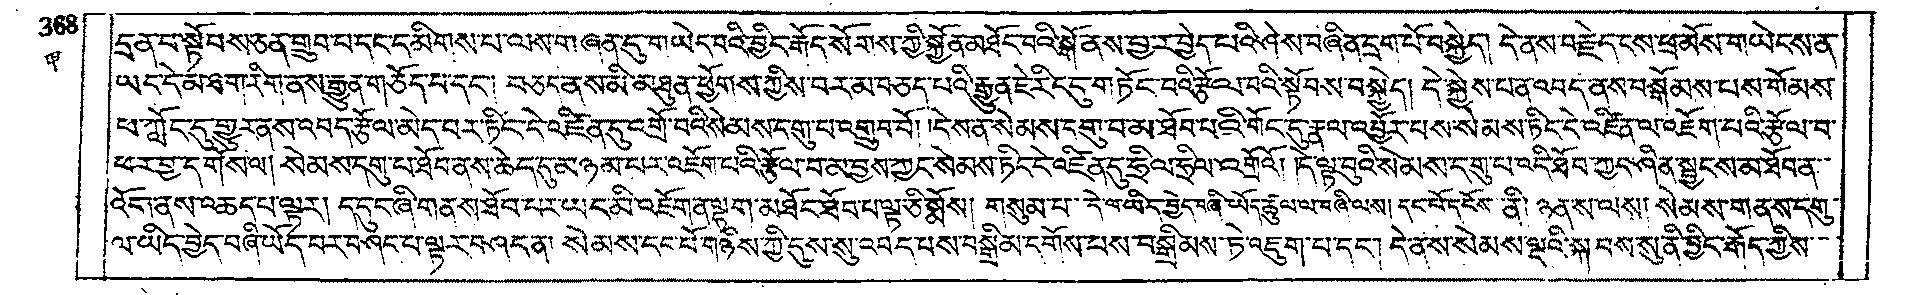དྲན་པ་སྟོབས་ཅན་གྲུབ་པ་དང་དམིགས་པ་ལས་གཞན་དུ་གཡེང་བའི་བྱིང་རྒོད་སོགས་ཀྱི་སྐྱོན་མཐོང་བའི་སྒོ་ནས་བྱ་ར་བྱེད་པའི་ཤེས་བཞིན་དྲག་པོ་བསྐྱེད། དེ་ནས་བརྗེད་ངས་ཕྲ་མོས་གཡེངས་ན་
ཡང་དེ་མ་ཐག་རིག་ནས་རྒྱུན་གཅོད་པ་དང་། བཅད་ནས་མི་མཐུན་ཕྱོགས་ཀྱིས་བར་མ་བཅད་པའི་རྒྱུན་ཇེ་རིང་དུ་གཏོང་བའི་རྩོལ་བའི་སྟོབས་བསྐྱེད། དེ་སྐྱེས་པ་ན་འབད་ནས་བསྒོམས་པས་གོམས་
པ་ཀློང་དུ་གྱུར་ནས་འབད་རྩོལ་མེད་པར་ཏིང་ངེ་འཛིན་དུ་འགྲོ་བའི་སེམས་དགུ་པ་འགྲུབ་བོ། །དེས་ན་སེམས་དགུ་བ་མ་ཐོབ་པའི་གོང་དུ་རྣལ་འབྱོར་པས་སེམས་ཏིང་ངེ་འཛིན་ལ་འཇོག་པའི་རྩོལ་བ་
ཕར་བྱ་དགོས་ལ། སེམས་དགུ་པ་ཐོབ་ནས་ཆེད་དུ་མཉམ་པར་འཇོག་པའི་རྩོལ་བ་མ་བྱས་ཀྱང་སེམས་ཏིང་ངེ་འཛིན་དུ་ཧྲིལ་འགྲོའོ། །དེ་ལྟ་བུའི་སེམས་དགུ་པ་འདི་ཐོབ་ཀྱང་ཤིན་ཏུ་སྦྱངས་མ་ཐོབ་ན་
འོག་ནས་འཆད་པ་ལྟར། ད་དུང་ཞི་གནས་ཐོབ་པར་ཡང་མི་འཇོག་ན་ལྷག་མཐོང་ཐོབ་པ་ལྟ་ཅི་སྨོས། གསུམ་པདེ་ལ་ཡིད་བྱེད་བཞི་ཡོད་ཚུལ་ལ་བཞི་ལས། དང་པོ་དངོས་ནི། ཉན་ས་ལས། སེམས་གནས་དགུ་
ལ་ཡིད་བྱེད་བཞི་ཡོད་པར་བཤད་པར་ལྟར་བཤད་ན། སེམས་དང་པོ་གཉིས་ཀྱི་དུས་སུ་འབད་པས་བསྒྲིམ་དགོས་པས་བསྒྲིམས་ཏེ་འཇུག་པ་དང་། དེ་ནས་སེམས་ལྔའི་སྐབས་སུ་ནི་བྱིང་རྒོད་ཀྱིས་